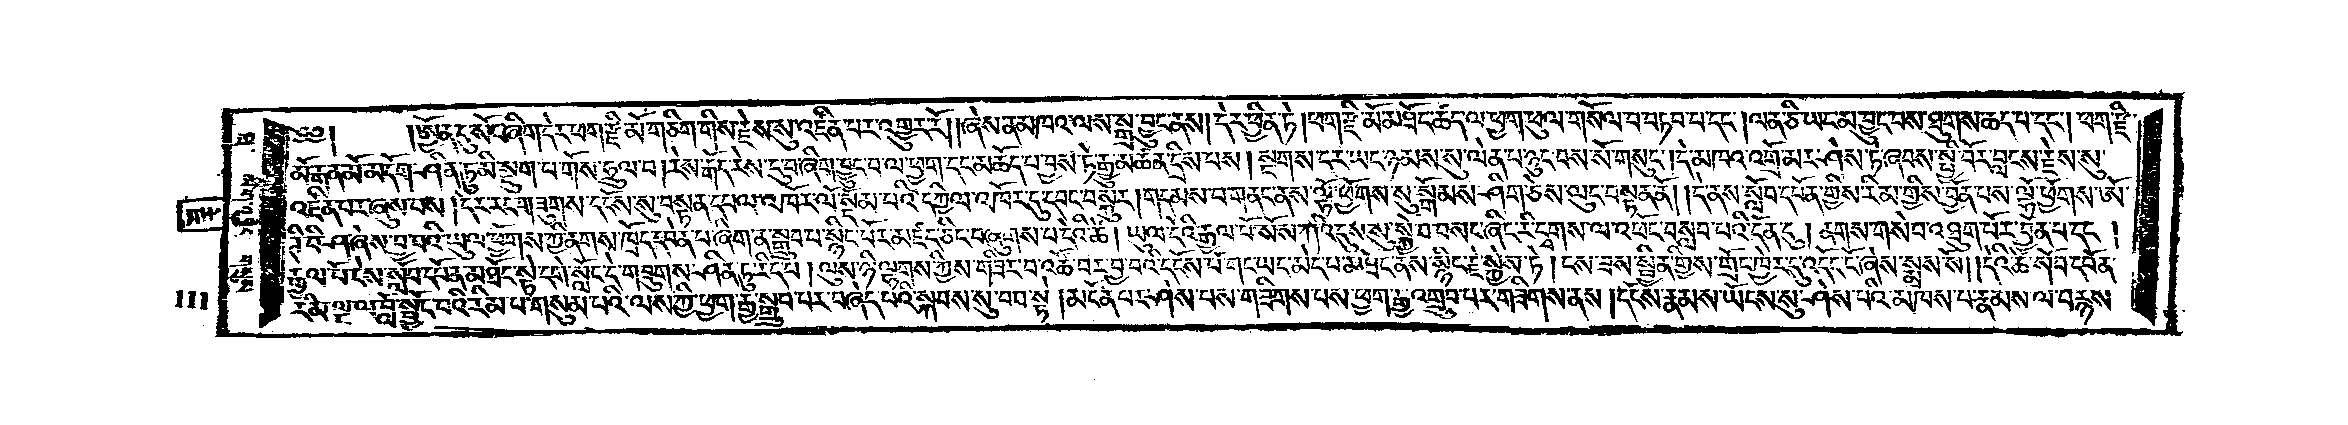༄༅། །ཨཡོན་དུ་སོང་ཞིག་དེར་ཕག་རྫི་མོ་གཅིག་གིས་རྗེས་སུ་འཛིན་པར་འགྱུར་རོ། །ཞེས་ནམ་མཁའ་ལས་སྒྲ་བྱུང་ནས། དེར་ཕྱིན་ཏེ། ཕག་རྫི་མོ་མཐོང་ཚད་ལ་ཕྱག་ཕུལ་གསོལ་བ་བཏབ་པ་དང་། ལན་ཅི་ཡང་མ་བྱུང་བས་ཐུགས་ཆད་པ་དང་། ཕག་རྫི་
མོ་རྒན་མོ་མདོག་ཤིན་ཏུ་མི་སྡུག་པ་གོས་ཧྲུལ་བ། རེས་རྒོད་རེས་ངུ་བ་ཞིག་བྱུང་བ་ལ་ཕྱག་དང་མཆོད་པ་བྱས་ཏེ་རྒྱུ་མཚན་དྲིས་པས། སྔགས་དར་ཡང་ཉམས་སུ་ལེན་པ་ཉུང་བས་སོ་གསུང་། དེ་མཁའ་འགྲོ་མར་ཤེས་ཏེ་ཞབས་སྤྱི་བོར་བླངས་རྗེས་སུ་
འཛིན་པར་ཞུས་པས། དེར་རང་གཟུགས་དངོས་སུ་བསྟན་དཔལ་འཁོར་ལོ་སྡོམ་པའི་དཀྱིལ་འཁོར་དུ་དབང་བསྐུར། གདམས་པ་གནང་ནས་ལྷོ་ཕྱོགས་སུ་སྒོམས་ཤིག་ཅེས་ལུང་བསྟན་ནོ། །དེ་ནས་སློབ་དཔོན་གྱིས་རིམ་གྱིས་བྱོན་པས་ལྷོ་ཕྱོགས་ཨོ་
ཊི་བི་ཤ་ཞེས་བྱ་བའི་ཡུལ་ཕྱོགས་ཀྱི་ནགས་ཁྲོད་དབེན་པ་ཞིག་ན་སྒྲུབ་པ་སྙིང་པོར་མཛད་ཅིང་བཞུགས་པ་དེའི་ཚེ། ཡུལ་དེའི་རྒྱལ་པོ་སོས་ཀའི་དུས་སུ་སྐྱེ་བ་བསང་ཞིང་རི་དྭགས་ལ་འཕོང་བསླབ་པའི་དོན་དུ། ནགས་གསེབ་འཐུག་པོར་བྱོན་པ་དང་།
རྒྱལ་པོ་དེས་སློབ་དཔོན་མཐོང་སྟེ་དགེ་སློང་དེ་གཟུགས་ཤིན་ཏུ་རིད་པ། ལུས་ཉི་ལྷགས་ཀྱིས་གཟིར་བ་འཚོ་བར་བྱ་བའི་དངོས་པོ་གང་ཡང་མེད་པ་མཐོང་ནས་སྙིང་རྗེ་སྐྱེས་ཏེ། ངས་ཟས་སྦྱིན་གྱིས་གྲོང་ཁྱེར་དུ་འདོད་ངོ་ཞེས་སྨྲས་སོ། །དེའི་ཚེ་སློབ་དཔོན་
རིམ་ལྔ་ལ་བློ་སྦྱོང་བའི་རིམ་པ་གསུམ་པའི་ལས་ཀྱི་ཕྱག་རྒྱ་སྒྲུབ་པར་བཞེད་པའི་སྐབས་སུ་བབ་སྟེ། མངོན་པར་ཤེས་པས་གཟིགས་པས་ཕྱག་རྒྱ་འགྲུབ་པར་གཟིགས་ནས། དངོས་རྣམས་ཡོངས་སུ་ཤེས་པའི་མཁས་པ་རྣམས་ལ་བརྙས་